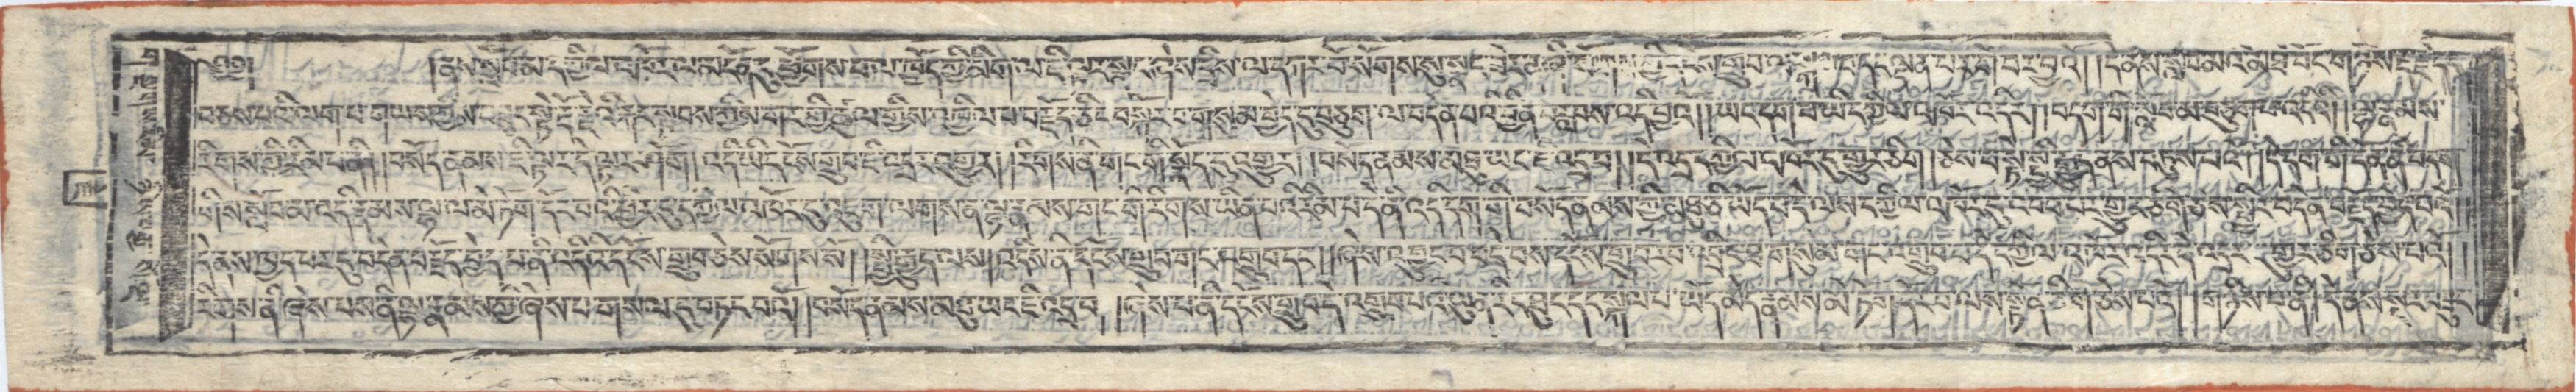༄༅། །ནས་སློབ་མ་དཀྱིལ་འཁོར་ལ་མངོན་དུ་ཕྱོགས་པ་ལ་ཁྱོད་ཀྱི་མིག་ལ་ཇི་ལྟར་སྣང་ཞེས་དྲིས་ལ་དཀར་བོ་སོགས་སུ་སྣང་ཟེར་ན་ཞི་སོགས་ཀྱི་དངོས་གྲུབ་ལ་སྐལ་བ་དང་ལྡན་པར་གོ་བར་བྱའོ། །དེ་ནས་སློབ་མའི་མཐེ་བོང་གཉིས་རྡོ་རྗེ་དང་
བཅས་པའི་ལག་པ་གཡས་ཀྱིས་བཟུང་སྟེ་རྡོ་རྗེའི་རྐང་སྟབས་ཀྱིས་གར་གྱི་ཚུལ་གྱིས་འཁྱིལ་པ་བརྗོད་ཅིང་བསྐོར་བ་གསུམ་བྱེད་དུ་བཅུག་ལ་བདེན་པའི་བྱིན་བརླབས་འདི་བྱའོ། །ཡང་དག་པ་ཡི་དཀྱིལ་འཁོར་འདིར། །བདག་གི་སློབ་མ་བཅུག་པ་འདིའི། །ལྷ་རྣམས་
རིགས་ཀྱི་རིམ་པ་ནི། །བསོད་ནམས་ཇི་ལྟར་དེ་ལྟར་ཤོག། འདི་ཡི་དངོས་གྲུབ་ཇི་འདྲར་འགྱུར། །རིགས་ནི་གང་གི་སྣོད་དུ་འགྱུར། །བསོད་ནམས་མཐུ་ཡང་ཇི་འདྲ་བ། །དེ་འདྲ་དཀྱིལ་འཁོར་དུ་གྱུར་ཅིག །ཅེས་པ་སྟེ་སྤྱི་རྒྱུད་ནས་བཏུས་པའོ། །དེ་དག་གི་དོན་ནི་བདག་
གིས་སློབ་མ་འདི་རྣམས་ལྷ་ལ་མེ་ཏོག་དོར་བའི་ཕྱིར་དུ་དཀྱིལ་འཁོར་དུ་འཇུག་ལགས་ན་ལྷ་རྣམས་གང་གི་རིགས་ཡིན་པའི་རིམ་པ་དེ་ནི་འདི་དག་གི་བསོད་ནམས་ཀྱི་མཐུ་ཅི་ཡོད་པ་དེ་ལས་དཀྱིལ་འཁོར་དུ་འབབ་པར་གྱུར་ཅིག་ཅེས་སྤྱིར་བདེན་བརྗོད་བྱེད་པའོ། །
དེ་ནས་ཁྱད་པར་དུ་བདེན་བརྗོད་བྱེད་པ་ནི་འདིའི་དངོས་གྲུབ་ཅེས་སོགས་སོ། །སྤྱི་རྒྱུད་ལས། འདིས་ནི་དངོས་གྲུབ་གང་འགྲུབ་དང་། །ཞེས་འབྱུང་བ་བདེ་བས་དངོས་གྲུབ་རབ་འབྲིང་ཐ་གསུམ་གང་འགྲུབ་པ་དེ་དཀྱིལ་འཁོར་འདིར་དེ་འདྲར་གྱུར་ཅིག་ཅེས་པའོ། །
རིགས་ནི་ཞེས་པས་ནི་ལྷ་རྣམས་ཀྱི་ཞེས་པ་གསལ་དུ་བཏང་བའོ། །བསོད་ནམས་མཐུ་ཡང་ཇི་འདྲ་བ། །ཞེས་པ་ནི་དངོས་གྲུབ་དེ་འགྲུབ་པའི་ཡུན་རིང་ཐུང་དང་སྐལ་པ་ཡོད་མེད་རྣམས་མེ་ཏོག་དོར་བ་ལས་སྟོན་ཅིག་ཅེས་པའོ། །གཉིས་པ་ནི། དེ་ནས་སྔར་བཟུང་